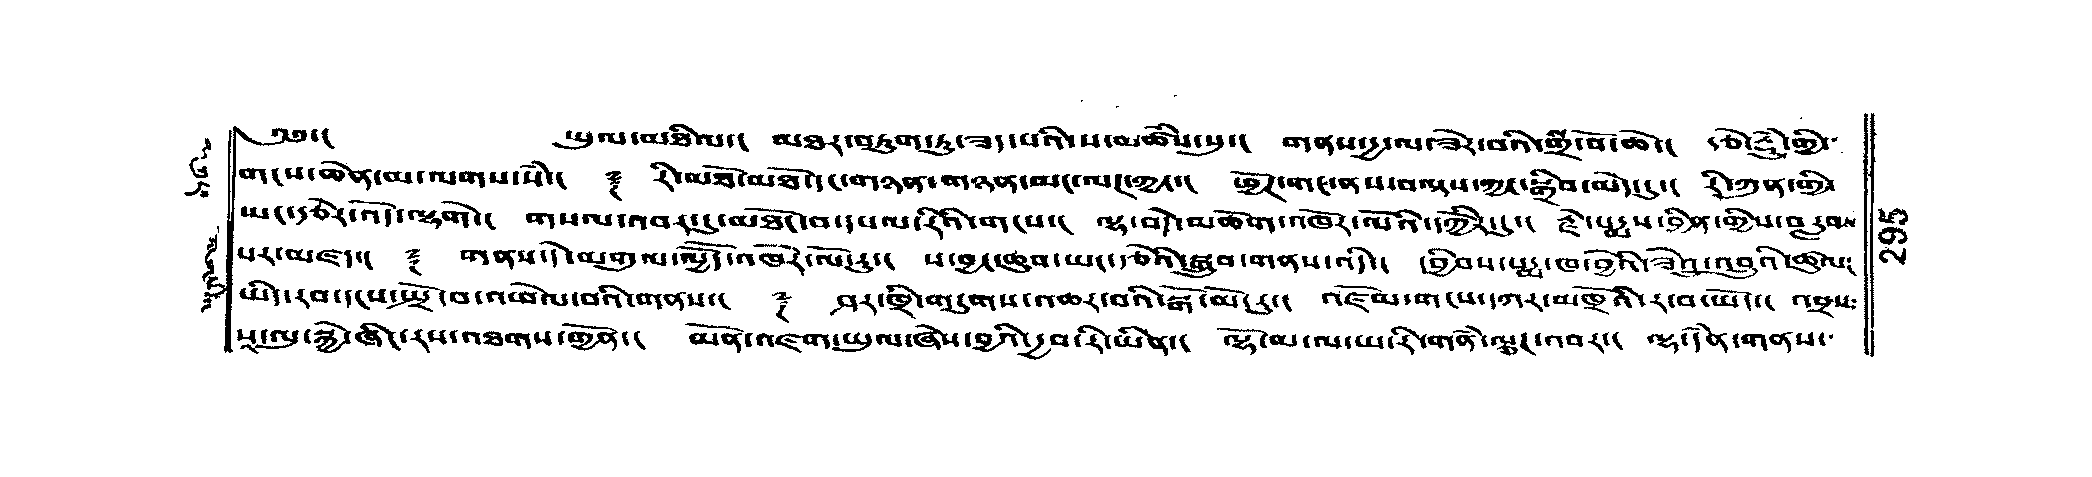ཡུལ་མཐིལ། །མཐར་ཐུག་ཏུ་ཟད་པའི་ས་མཚམས་སུ། །གནས་རྒྱ་ལ་ཟེར་བའི་སྒྲ་བོ་ཆེ། །རྩེ་རྡུམ་གྱི་
གངས་ཆེན་མ་ལགས་སམ། །རི་མཐོ་མཐོ་དང་གཉན་གཉན་མང་ལགས་ཀྱང་། །ཕྱོགས་གང་ནས་བལྟས་ཀྱང་སྒྲིབ་མེད་དུ། །རི་ཀུན་གྱི་
ཡང་རྩེར་འོད་ལྷག་གེ །གསལ་བར་དུ་མཐོང་བ་དཔལ་རིའི་གངས། །ལྷ་བདེ་མཆོག་འཁོར་ལོའི་དཀྱིལ་འཁོར་དུ། །རྗེ་པདྨས་བྱིན་གྱིས་བརླབས་
པར་མཛད། །གནས་དེ་མགུལ་ལོངས་སྤྱོད་འཁོར་ལོ་རུ། །ས་བྱང་ཆུབ་ཡང་རྩེའི་སྒྲུབ་གནས་འདི། །དབྱིབས་པདྨ་ཁ་བྱེའི་ཟེའུ་འབྲུའི་ཚུལ། །
ཡིད་རབ་དྭངས་སྤྲོ་བ་འཕེལ་བའི་གནས། །ཤར་ཁྲི་གདུགས་འཆར་བའི་སྒོ་མོ་རུ། །འཛོམ་གངས་དཀར་མཁའ་འགྲོའི་ར་བ་ཡོད། །འབྲས་
སཱ་ལུ་སྐྱེ་ཞིང་རས་འཐགས་གྱོན། །མོན་འཇང་ཡུལ་ཞེས་བྱའི་རྒྱབ་རི་ཡིན། །ལྷོ་མ་ལ་ཡ་རི་གནམ་ལྕགས་འབར། །ལྷ་དམ་ཅན་གནས་